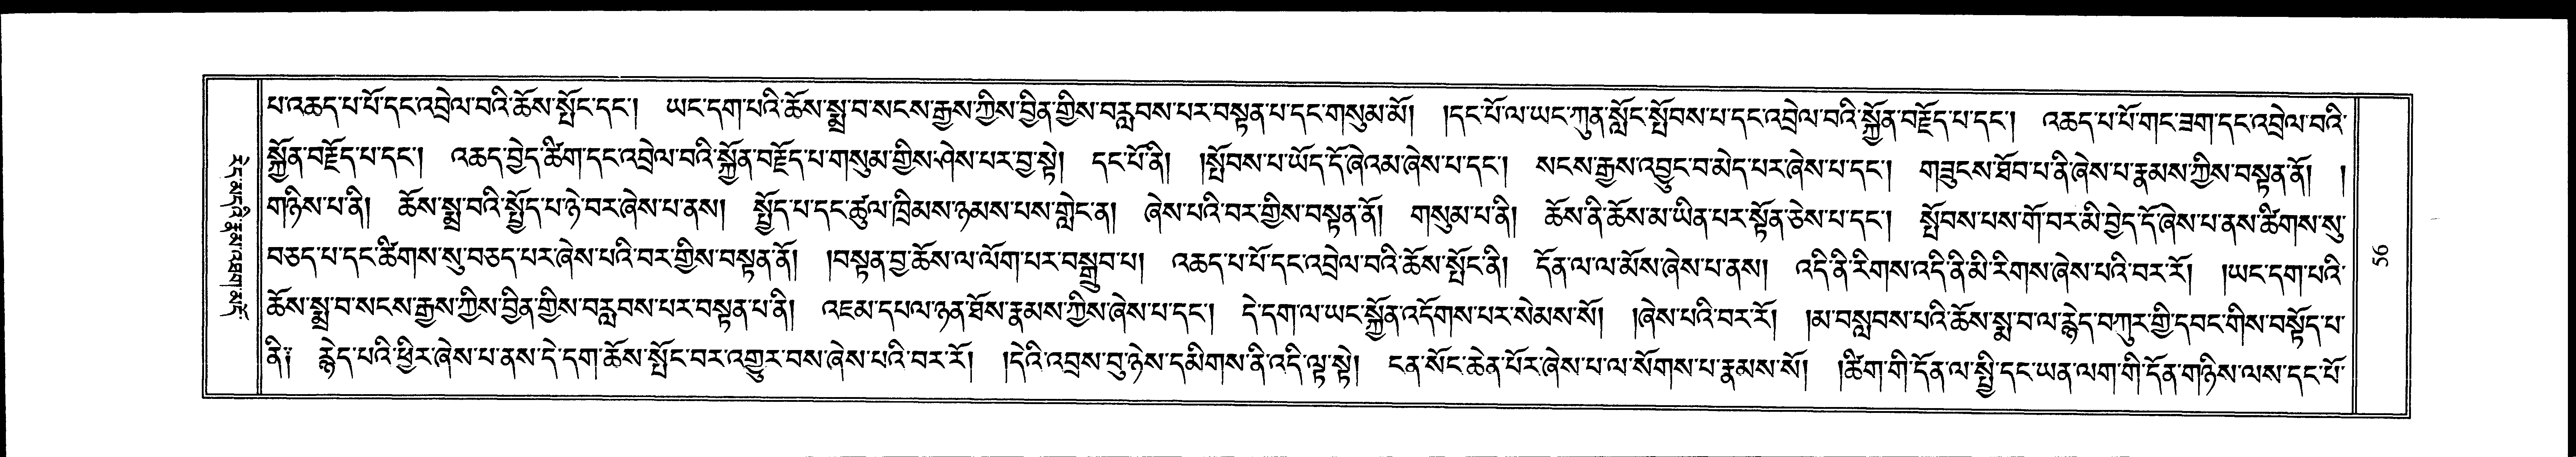པ་འཆད་པ་པོ་དང་འབྲེལ་བའི་ཆོས་སྤོང་དང་། ཡང་དག་པའི་ཆོས་སྨྲ་བ་སངས་རྒྱས་ཀྱིས་བྱིན་གྱིས་བརླབས་པར་བསྟན་པ་དང་གསུམ་མོ། །དང་པོ་ལ་ཡང་ཀུན་སློང་སྤོབས་པ་དང་འབྲེལ་བའི་སྐྱོན་བརྗོད་པ་དང་། འཆད་པ་པོ་གང་ཟག་དང་འབྲེལ་བའི་
སྐྱོན་བརྗོད་པ་དང་། འཆད་བྱེད་ཚིག་དང་འབྲེལ་བའི་སྐྱོན་བརྗོད་པ་གསུམ་གྱིས་ཤེས་པར་བྱ་སྟེ། དང་པོ་ནི། །སྤོབས་པ་ཡོད་དོ་ཞེའམ་ཞེས་པ་དང་། སངས་རྒྱས་འབྱུང་བ་མེད་པར་ཞེས་པ་དང་། གཟུངས་ཐོབ་པ་ནི་ཞེས་པ་རྣམས་ཀྱིས་བསྟན་ནོ། །
གཉིས་པ་ནི། ཆོས་སྨྲ་བའི་སྤྱོད་པ་ཉེ་བར་ཞེས་པ་ནས། སྤྱོད་པ་དང་ཚུལ་ཁྲིམས་ཉམས་པས་གླེང་ན། ཞེས་པའི་བར་གྱིས་བསྟན་ནོ། གསུམ་པ་ནི། ཆོས་ནི་ཆོས་མ་ཡིན་པར་སྟོན་ཅེས་པ་དང་། སྤོབས་པས་གོ་བར་མི་བྱེད་དོ་ཞེས་པ་ནས་ཚིགས་སུ་
བཅད་པ་དང་ཚིགས་སུ་བཅད་པར་ཞེས་པའི་བར་གྱིས་བསྟན་ནོ། །བསྟན་བྱ་ཆོས་ལ་ལོག་པར་བསྒྲུབ་པ། འཆད་པ་པོ་དང་འབྲེལ་བའི་ཆོས་སྤོང་ནི། དོན་ལ་ལ་མོས་ཞེས་པ་ནས། འདི་ནི་རིགས་འདི་ནི་མི་རིགས་ཞེས་པའི་བར་རོ། །ཡང་དག་པའི་
ཆོས་སྨྲ་བ་སངས་རྒྱས་ཀྱིས་བྱིན་གྱིས་བརླབས་པར་བསྟན་པ་ནི། འཇམ་དཔལ་ཉན་ཐོས་རྣམས་ཀྱིས་ཞེས་པ་དང་། དེ་དག་ལ་ཡང་སྐྱོན་འདོགས་པར་སེམས་སོ། །ཞེས་པའི་བར་རོ། །མ་བསླབས་པའི་ཆོས་སྨ་བ་ལ་རྙེད་བཀུར་གྱི་དབང་གིས་བསྟོད་པ་
ནི། རྙེད་པའི་ཕྱིར་ཞེས་པ་ནས་དེ་དག་ཆོས་སྤོང་བར་འགྱུར་བས་ཞེས་པའི་བར་རོ། །དེའི་འབྲས་བུ་ཉེས་དམིགས་ནི་འདི་ལྟ་སྟེ། ངན་སོང་ཆེན་པོར་ཞེས་པ་ལ་སོགས་པ་རྣམས་སོ། །ཚིག་གི་དོན་ལ་སྤྱི་དང་ཡན་ལག་གི་དོན་གཉིས་ལས་དང་པོ་